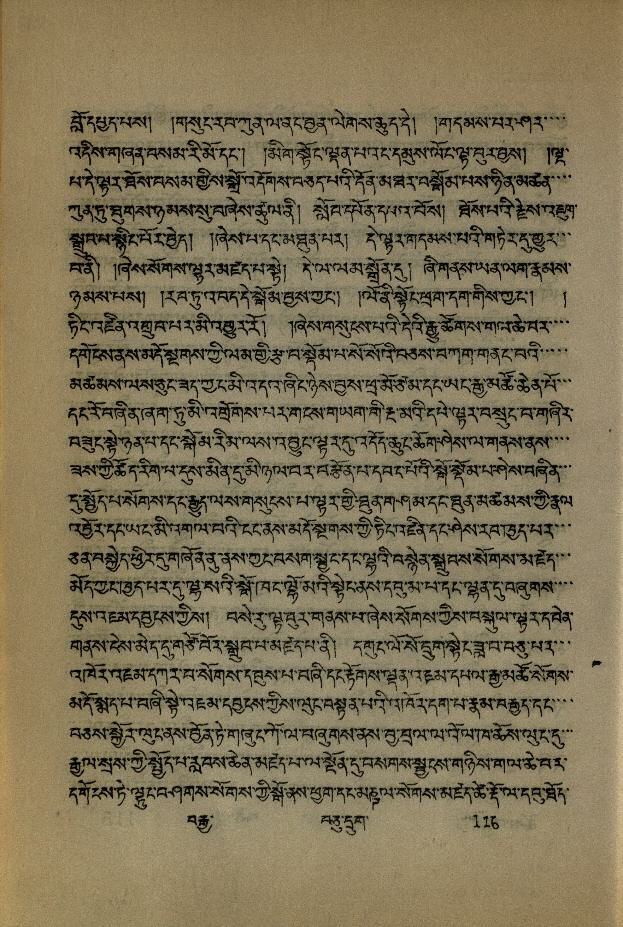བློ་དཔྱད་པས། །གསུང་རབ་ཀུན་ལ་ནང་བྱན་ལེགས་ཆུད་དེ། །གདམས་པར་ཤར་
འདིས་གཞན་བསམ་རི་མོ་དང་། །མིག་སྟོང་ལྡན་པའང་དམུས་ལོང་ལྟ་བུར་བྱས། །ལྔ་
པ་དེ་ལྟར་ཐོས་བསམ་གྱིས་སྒྲོ་འདོགས་བཅད་པའི་དོན་མཐར་བསྒོམ་པས་ཉིན་མཚན་
ཀུན་ཏུ་ཐུགས་ཉམས་སུ་བཞེས་ཚུལ་ནི། སློབ་དཔོན་དཔའ་བོས། ཐོས་པའི་རྗེས་འཇུག་
སྒྲུབ་པ་སྙིང་པོར་བྱེད། །ཞེས་པ་དང་མཐུན་པར། དེ་ལྟར་གདམས་པའི་གཏེར་དུ་གྱུར་
བ་ནི། །ཞེས་སོགས་ལྟར་མཛད་པ་སྟེ། དེ་ལ་ལམ་སྒྲོན་དུ། ཞི་གནས་ཡན་ལག་རྣམས་
ཉམས་པས། །རབ་ཏུ་འབད་དེ་སྒོམ་བྱས་ཀྱང་། །ལོ་ནི་སྟོང་ཕྲག་དག་གིས་ཀྱང་། །
ཏིང་འཛིན་འགྲུབ་པར་མི་འགྱུར་རོ། །ཞེས་གསུངས་པའི་དེའི་རྒྱུ་ཚོགས་གལ་ཆེ་བར་
དགོངས་ནས་མདོ་སྔགས་ཀྱི་ལམ་གྱི་རྩ་བ་སྡོམ་པ་སོ་སོའི་བཅས་བཀག་གནང་བའི་
མཚམས་ལས་ཅུང་ཟད་ཀྱང་མི་འདའ་ཞིང་ཉེས་བྱས་ཕྲ་མོ་ཙམ་དང་ཡང་རྒྱ་མཚོ་ཆེན་པོ་
དང་རོ་བཞིན་ཞག་ཏུ་མི་འགྲོགས་པར་གངས་གཡག་གི་རྔ་མའི་དཔེ་ལྟར་བསྲུང་བ་གཞིར་
བཟུང་སྟེ་ཉན་པ་དང་སྒོམ་རིམ་ལས་འབྱུང་ལྟར་དུ་འདོད་ཆུང་ཆོག་ཤེས་ལ་གནས་ནས་
ཟས་ཀྱི་ཚོད་རིག་པ་དུས་མིན་དུ་མི་ཉལ་བར་བརྩོན་པ་དབང་པོའི་སྒོ་སྡོམ་པ་ཤེས་བཞིན་
དུ་སྤྱོད་པ་སོགས་དང་རྒྱུད་ལས་གསུངས་པ་ལྟར་གྱི་ཐུན་གཤམ་དང་ཐུན་མཚམས་ཀྱི་རྣལ་
འབྱོར་དང་ཡང་མི་འགལ་བའི་ངང་ནས་མདོ་སྔགས་ཀྱི་ཏིང་འཛིན་དང་ཤེས་རབ་ཁྱད་པར་
ཅན་བསྐྱེད་ཕྱིར་དུ་གཞོན་ནུ་ནས་ཀྱང་བསག་སྦྱང་དང་ལྷའི་བསྙེན་སྒྲུབས་སོགས་མཛད་
མོད་ཀྱང་ཁྱད་པར་དུ་ལྷ་སའི་སྒོ་ཁང་ལྷོ་མའི་སྟེང་ནས་དབུ་མ་པ་དང་ལྷན་དུ་བཞུགས་
དུས་འཇམ་དབྱངས་ཀྱིས། བསེ་རུ་ལྟ་བུར་གནས་པ་ཞེས་སོགས་ཀྱིས་བསྐུལ་ལྟར་དབེན་
གནས་ངེས་མེད་དུ་གཙོ་བོར་སྒྲུབ་པ་མཛད་པ་ནི། དགུང་ལོ་སོ་དྲུག་སྟེང་ཟླ་བ་བཅུ་པར་
འཁོར་འཇམ་དཀར་བ་སོགས་དབུས་པ་བཞི་དང་རྟོགས་ལྡན་འཇམ་དཔལ་རྒྱ་མཚོ་སོགས་
མདོ་སྨད་པ་བཞི་སྟེ་འཇམ་དབྱངས་ཀྱིས་ལུང་བསྟན་པའི་འཁོར་དག་པ་རྣམ་བརྒྱད་དང་
བཅས་སྐྱོར་ལུང་ནས་བྱོན་ཏེ་གཞུང་ཀོ་ལ་བཞུགས་ནས་བྱ་བྲལ་ལ་འོལ་ཁ་ཆོས་ལུང་དུ་
རྒྱལ་སྲས་ཀྱི་སྤྱོད་པ་རླབས་ཆེན་མཛད་པ་ལ་སྔོན་དུ་བསགས་སྦྱངས་གཉིས་གལ་ཆེ་བར་
དགོངས་ཏེ་ལྟུང་བཤགས་སོགས་ཀྱི་སྒོ་ནས་ཕྱག་དང་མཎྜལ་སོགས་མཛད་ཚེ་རྡོ་ལ་དབུ་ཐོད་